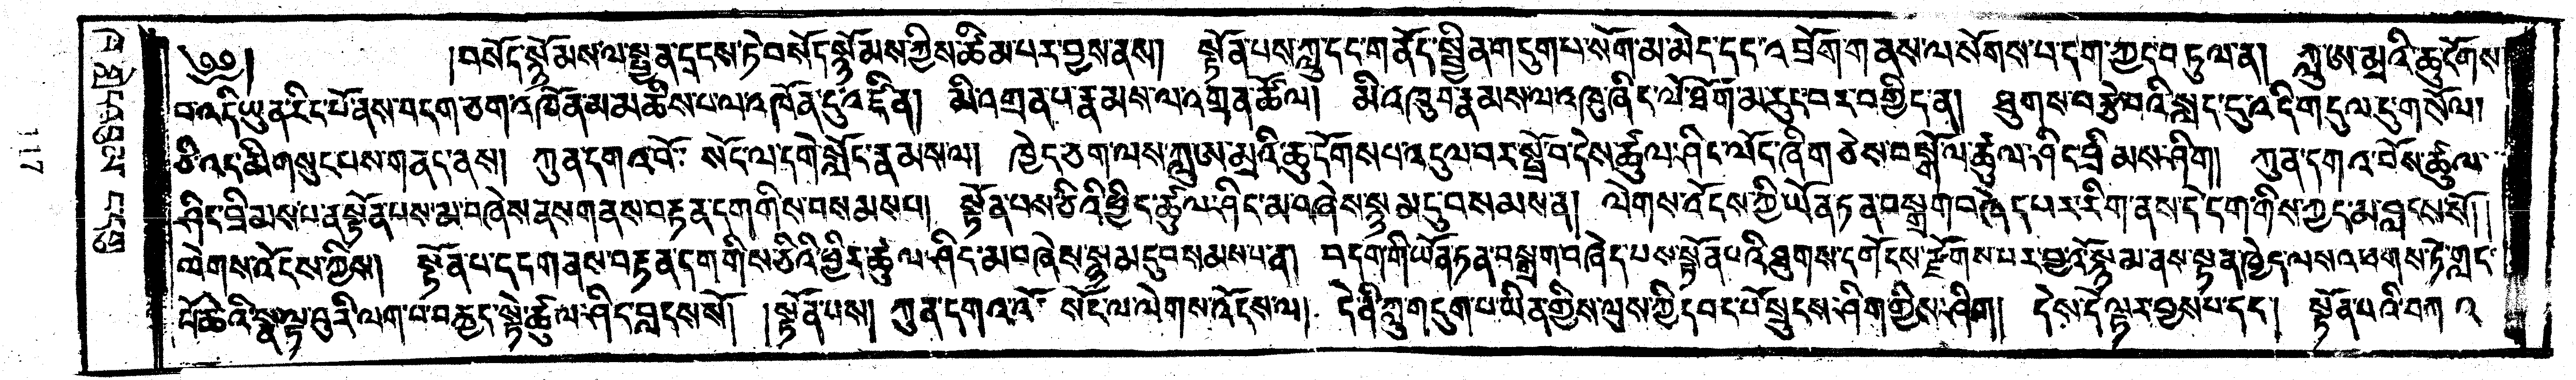༄༅། །བསོད་སྙོམས་ལ་སྤྱན་དྲངས་ཏེ་བསོད་སྙོམས་ཀྱིས་ཚིམ་པར་བྱས་ནས། སྟོན་པས་ཀླུ་དང་གནོད་སྦྱིན་གདུག་པ་སོག་མ་མེད་དང་འབྲོག་གནས་ལ་སོགས་པ་དག་ཀྱང་བཏུལ་ན། ཀླུ་ཨ་མྲའི་ཆུ་དོགས་
བ་འདི་ཡུན་རིང་པོ་ནས་བདག་ཅག་འཁོན་མ་མཆིས་པ་ལ་འཁོན་དུ་འཛིན། མི་འགྲན་པ་རྣམས་ལ་འགྲན་ཚོལ། མི་འཁྲུབ་རྣམས་ལ་འཁུ་ཞིང་ལོ་ཐོག་མ་རུང་བར་བགྱིད་ན། ཐུགས་བརྩེ་བའི་སླད་དུ་འདི་གདུལ་དུ་གསོལ།
ཅིའང་མི་གསུང་པས་གནད་ནས། ཀུན་དགའ་བོཿ སོང་ལ་དགེ་སློང་རྣམས་ལ། ཁྱེད་ཅག་ལས་ཀླུ་ཨ་མྲའི་ཆུ་དོགས་པ་འདུལ་བར་སྤྲོ་བ་དེས་ཚུལ་ཤིང་ལོང་ཞིག་ཅེས་བསྒོ་ལ་ཚུལ་ཤིང་བྲི་མས་ཤིག། ཀུན་དགའ་བོས་ཚུལ་
ཤིང་བྲིམས་པ་ན་སྟོན་པས་མ་བཞེས་ནས་གནས་བརྟན་དག་གིས་བསམས་པ། སྟོན་པས་ཅིའི་ཕྱིར་ཚུལ་ཤིང་མ་བཞེས་སྙམ་དུ་བསམས་ན། ལེགས་འོངས་ཀྱི་ཡོན་ཏན་བསྒྲག་བཞེད་པར་རིག་ནས་དེ་དག་གིས་ཀྱང་མ་བླངས་སོ། །
ལེགས་འོངས་ཀྱིས། སྟོན་པ་དང་གནས་བརྟན་དག་གིས་ཅིའི་ཕྱིར་ཚུལ་ཤིང་མ་བཞེས་སྙམ་དུ་བསམས་པ་ན། བདག་གི་ཡོན་ཏན་བསྒྲག་བཞེད་པས་སྟོན་པའི་ཐུགས་དགོངས་རྫོགས་པར་བྱའོ་སྙམ་ནས་སྟན་ཁྱེད་ལས་འཕགས་ཏེ་གླང་
པོ་ཆེའི་སྣ་ལྟ་བུ་རི་ལག་པ་བརྐྱད་སྟེ་ཚུལ་ཤིང་བླངས་སོ། །སྟོན་པས། ཀུན་དགའ་བོ་སོང་ལ་ལེགས་འོངས་ལ། དེ་ནི་ཀླུ་གདུག་པ་ཡིན་གྱིས་ལུས་ཀྱི་དབང་པོ་སྲུངས་ཤིག་གྱིས་ཤིག། དེས་དེ་ལྟར་བྱས་པ་དང་། སྟོན་པའི་བཀའ་